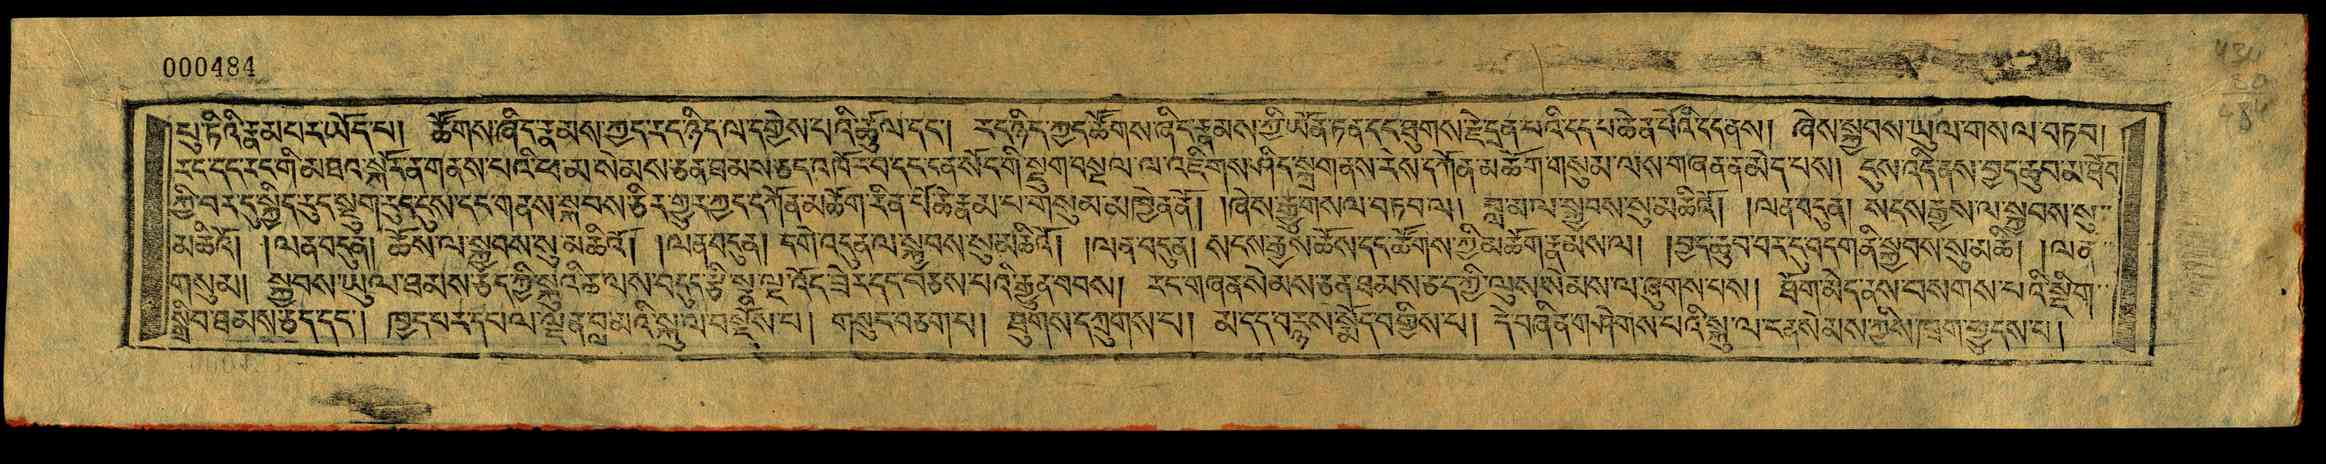པུ་ཏིའི་རྣམ་པར་ཡོད་པ། ཚོགས་ཞིང་རྣམས་ཀྱང་རང་ཉིད་ལ་དགྱེས་པའི་ཚུལ་དང་། རང་ཉིད་ཀྱང་ཚོགས་ཞིང་རྣམས་ཀྱི་ཡོན་ཏན་དང་ཐུགས་རྗེ་དྲན་པའི་དད་པ་ཆེན་པོའི་དང་ནས། ཞེས་སྐྱབས་ཡུལ་གསལ་བཏབ།
རང་དང་རང་གི་མཐའ་སྐོར་ན་གནས་པའི་ཕ་མ་སེམས་ཅན་ཐམས་ཅད་འཁོར་བ་དང་ངན་སོང་གི་སྡུག་བསྔལ་ལ་འཇིགས་ཤིང་སྐྲག་ནས་རེས་དཀོན་མཆོག་གསུམ་ལས་གཞན་ན་མེད་པས། དུས་འདི་ནས་བྱང་ཆུབ་མ་ཐོབ་
ཀྱི་བར་དུ་སྐྱིད་རུང་སྡུག་རུང་དུས་དང་གནས་སྐབས་ཅིར་གྱུར་ཀྱང་དཀོན་མཆོག་རིན་པོ་ཆེ་རྣམ་པ་གསུམ་མཁྱེན་ནོ། །ཞེས་རྒྱུགས་ལ་བཏབ་ལ། བླ་མ་ལ་སྐྱབས་སུ་མཆིའོ། །ལན་བདུན། སངས་རྒྱས་ལ་སྐྱབས་སུ་
མཆིའོ། །ལན་བདུན། ཆོས་ལ་སྐྱབས་སུ་མཆིའོ། །ལན་བདུན། དགེ་འདུན་ལ་སྐྱབས་སུ་མཆིའོ། །ལན་བདུན། སངས་རྒྱས་ཆོས་དང་ཚོགས་ཀྱི་མཆོག་རྣམས་ལ། །བྱང་ཆུབ་བར་དུ་བདག་ནི་སྐྱབས་སུ་མཆི། །ལན་
གསུམ། སྐྱབས་ཡུལ་ཐམས་ཅད་ཀྱི་སྐུའི་ཆ་ལས་བདུད་རྩི་སྣ་ལྔ་འོད་ཟེར་དང་བཅས་པའི་རྒྱུན་བབས། རང་གཞན་སེམས་ཅན་ཐམས་ཅད་ཀྱི་ལུས་སེམས་ལ་ཞུགས་པས། ཐོག་མེད་ནས་བསགས་པའི་སྡིག་
སྒྲིབ་ཐམས་ཅད་དང་། ཁྱད་པར་དཔལ་ལྡན་བླ་མའི་སྐུ་ལ་བསྡོས་པ། གསུང་བཅག་པ། ཐུགས་དཀྲུགས་པ། མ་དད་བརྙས་སྨོད་བགྱིས་པ། དེ་བཞིན་གཤེགས་པའི་སྐུ་ལ་ངན་སེམས་ཀྱིས་ཁྲག་ཕྱུངས་པ།